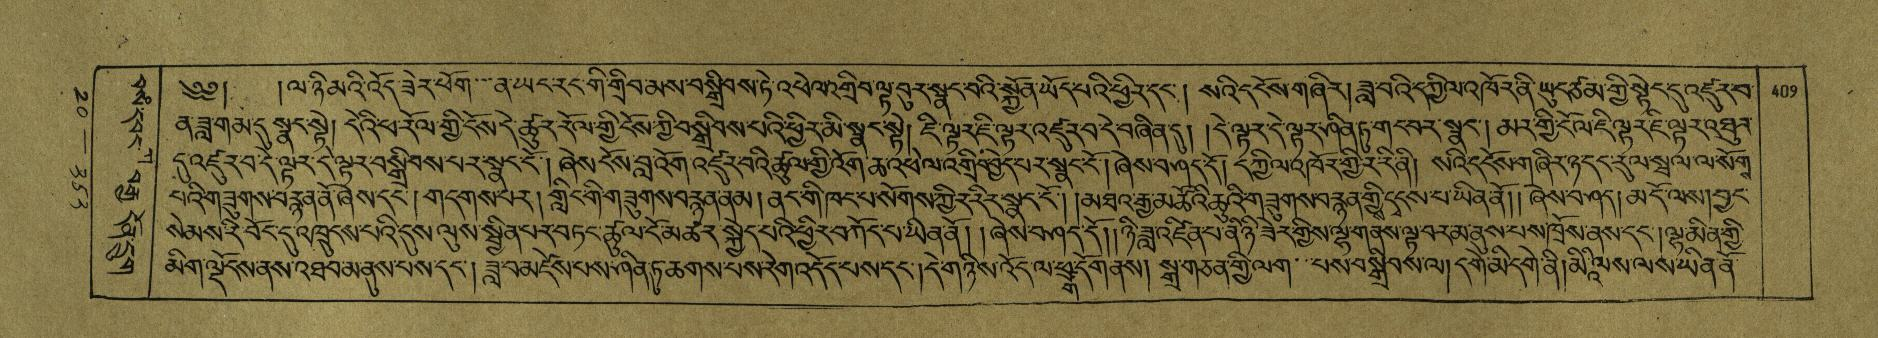༄༅། །ལ་ཉི་མའི་འོད་ཟེར་ཕོག་ན་ཡང་རང་གི་གྲིབ་མས་བསྒྲིབས་ཏེ་འཕེལ་འགྲིབ་ལྟ་བུར་སྣང་བའི་སྐྱོན་ཡོད་པའི་ཕྱིར་དང་། སའི་དངོས་གཞིར། ཟླ་བའི་དཀྱིལ་འཁོར་ནི་ཡུང་ཙམ་གྱི་སྟེང་དུ་འཛུར་བ་
ན་ཟླ་གམ་དུ་སྣང་སྟེ། དེའི་ཕ་རོལ་གྱི་ངོས་དེ་ཚུར་རོལ་གྱི་ངོས་ཀྱི་བསྒྲིབས་པའི་ཕྱིར་མི་སྣང་སྟེ། ཇི་ལྟར་ཇི་ལྟར་འཛུར་བ་དེ་བཞིན་དུ། །དེ་ལྟར་དེ་ལྟར་ཤིན་ཏུ་གང་བར་སྣང་། མར་གྱི་ངོ་ལ་ཇི་ལྟར་ཇི་ལྟར་འཐུར་
དུ་འཛུར་བ་དེ་ལྟར་དེ་ལྟར་བསྒྲིབས་པར་སྣང་ངོ། ཞེས་ངོས་བླ་འོག་འཛུར་བའི་ཚུལ་གྱི་འོག་ཆ་འཕེལ་འགྲིབ་བྱེད་པར་སྣང་ངོ། ཞེས་བཤད་དོ། དཀྱིལ་འཁོར་གྱི་ར་རི་ནི། སའི་དངོས་གཞིར་ཉ་དང་རུལ་སྦལ་ལ་སོགས་
པའི་གཟུགས་བརྙན་ནོ་ཞེས་དང་། གདགས་པར། གླིང་གི་གཟུགས་བརྙན་ནམ། ནང་གི་ཁང་པ་སོགས་ཀྱིར་རིར་སྣང་ངོ། །མཐའ་རྒྱ་མཚོའི་ཆུའི་གཟུགས་བརྙན་གྱིས་དྭངས་པ་ཡིན་ནོ། །ཞེས་བཤད། མདོ་ལས། བྱང་
སེམས་རི་བོང་དུ་འཁྲུངས་པའི་དུས་ལུས་སྦྱིན་པར་བཏང་ཚུལ་ངོ་མཚར་སྐྱེད་པའི་ཕྱིར་བཀོད་པ་ཡིན་ནོ། །ཞེས་བཤད་དོ། །ཉི་ཟླ་འཛིན་པ་ནི་ཉི་ཟེར་གྱིས་ལྷ་གནས་ལྟ་བར་མ་ནུས་པས་ཁྲོས་ནས་དང་། ལྷ་མིན་གྱི་
མིག་ལྡོངས་ནས་འཐབ་མ་ནུས་པས་དང་། ཟླ་བ་མཛེས་པས་ཤིན་ཏུ་ཆགས་པས་རེག་འདོད་པས་དང་། དེ་གཉིས་འོད་ལ་ཕྲག་དོག་ནས། སྒྲ་གཅན་གྱི་ལག་པས་བསྒྲིབས་ལ། དགེ་མི་དགེ་ནི། མིའི་ལས་ལས་ཡིན་ནོ་